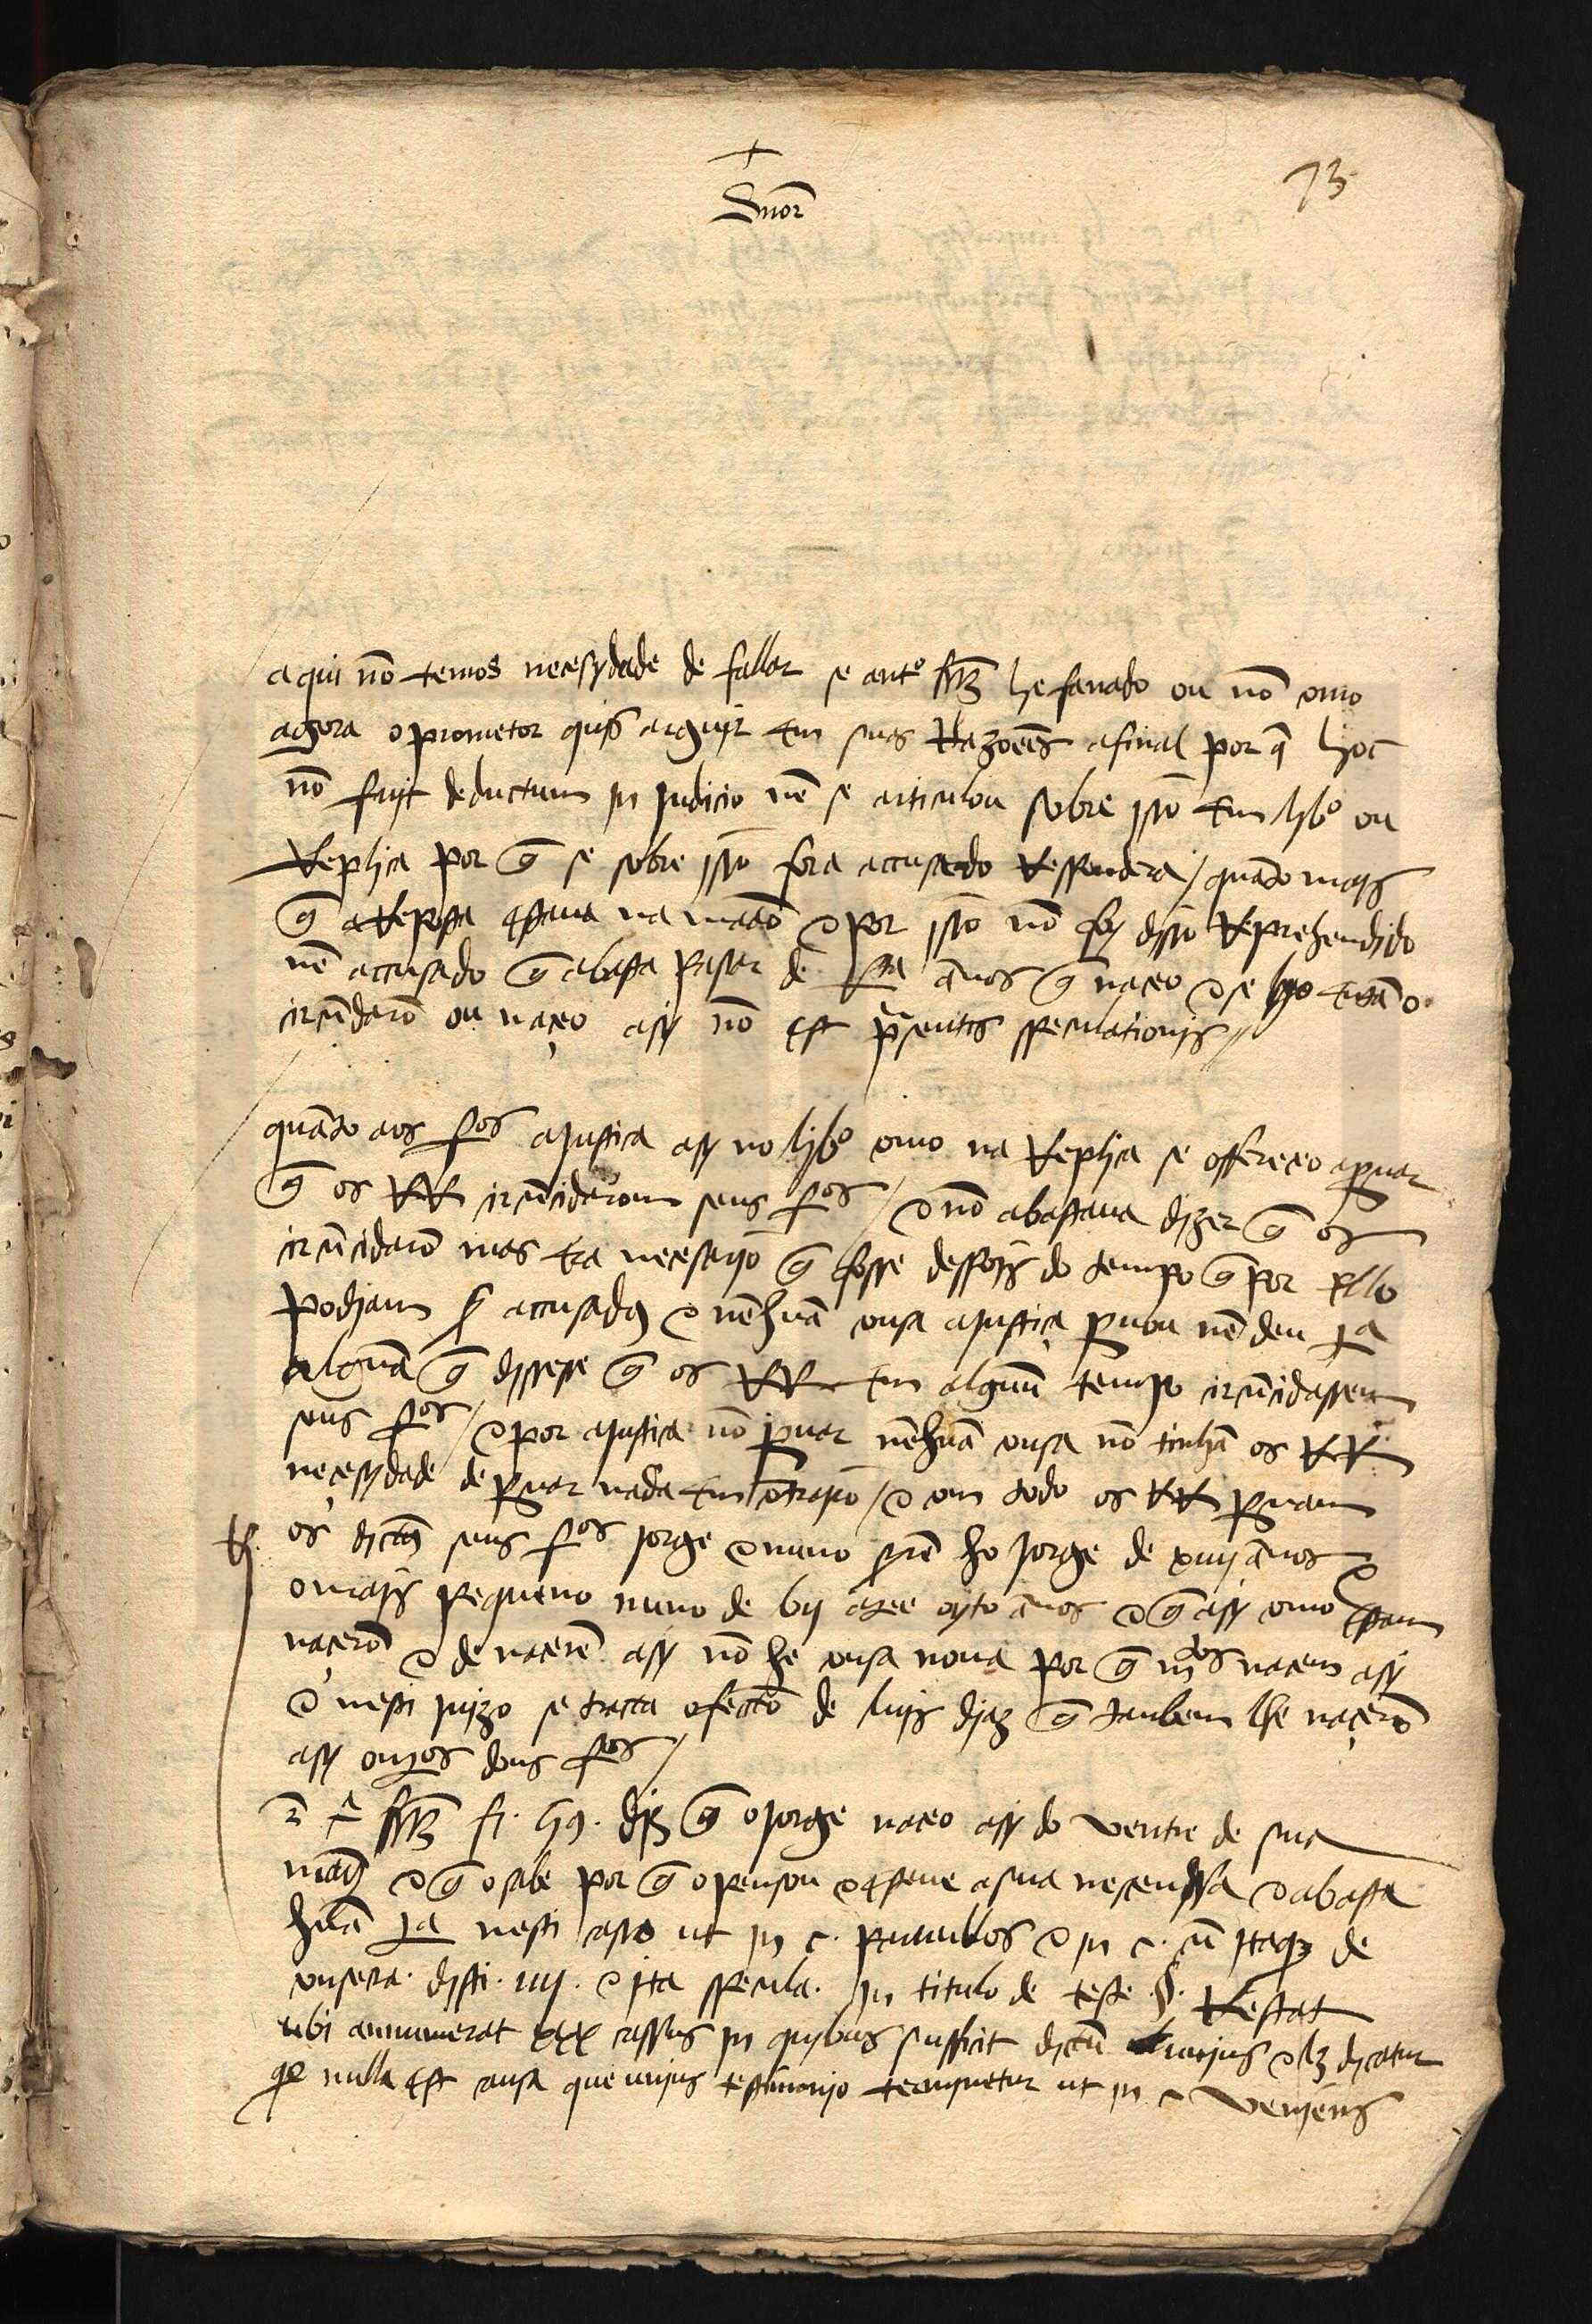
Snōr
aqui nō temos necesydade de fallar se anto fr̄rz he fanado ou nō como
agora o prometor qujs argujr Em suas Razoẽes a final porq̄ hoc
nō fujt deductum jn Judicio nē se articulou sobre jsso Em ljbo ou
Repljca porq̄ se sobre jsso fora accusado Respondera / quāto majs
q̄ a Reposta Estaua na mãao e por jsso nō foj djsso Reprehendjdo
nē accusado q̄ abasta pasar de Rta ānos q̄ naçeo e se logo Entā o
circūdarō ou naçeo asy nō Est p̄sentes speculationjs //
quāto aos fos a Justiça asy no ljbo como na Repljca se offereceo a ꝓuar
q̄ os RR circūcidarom seus fos / e nō abastaua djzer q̄ os
circūcidarō mas Era necesarjo q̄ fosse despojs do tempo q̄ por Ello
podjam ꞩ accusadꝯ e nēnhuā cousa a Justiça ꝓuou nē deu ta
algūa q̄ djssesse q̄ os RR Em algūu tempo circūcidassem
seus fos / e por a Justiça nō ꝓuar nēhuā cousa nō tinhā os RR
neçesydade de ꝓuar nada Em c̄otrajro / e comtodo os RR ꝓuam
os djc̄tꝯ seus fos Jorge e nuno ꞩrē ho Jorge de xiiij ānos e
o majs pequeno nuno de bij atee oyto ānos e q̄ asy como Estam
naçerō e de nacerē asy nō he cousa noua porq̄ mtos nacem asy
e nesti Jujzo se tracta o fec̄cto de lujs djaz q̄ tanbem lhe naçer̄o
asy outos dous fos /
item ca fr̄rz fi. 59. djz q̄ o Jorge naceo asy do ventre de sua
mãy e q̄ o sabe porq̄ o pensou e Esteue a sua nescenssa e abasta
hūa ta nesti casso ut jn c. paruullos e jn c. cū jtaꝙ de
consecra. djsti. iiij. e jta specula. jn titulo de teste .§. Restat
ubi annumerat xxx cassus jn qujbus sufficit djct̄u _ unjus e lꝫ djcatur
ꝙe nulla Est causa que unjus testimonjo termjnetur ut jn c veniens
